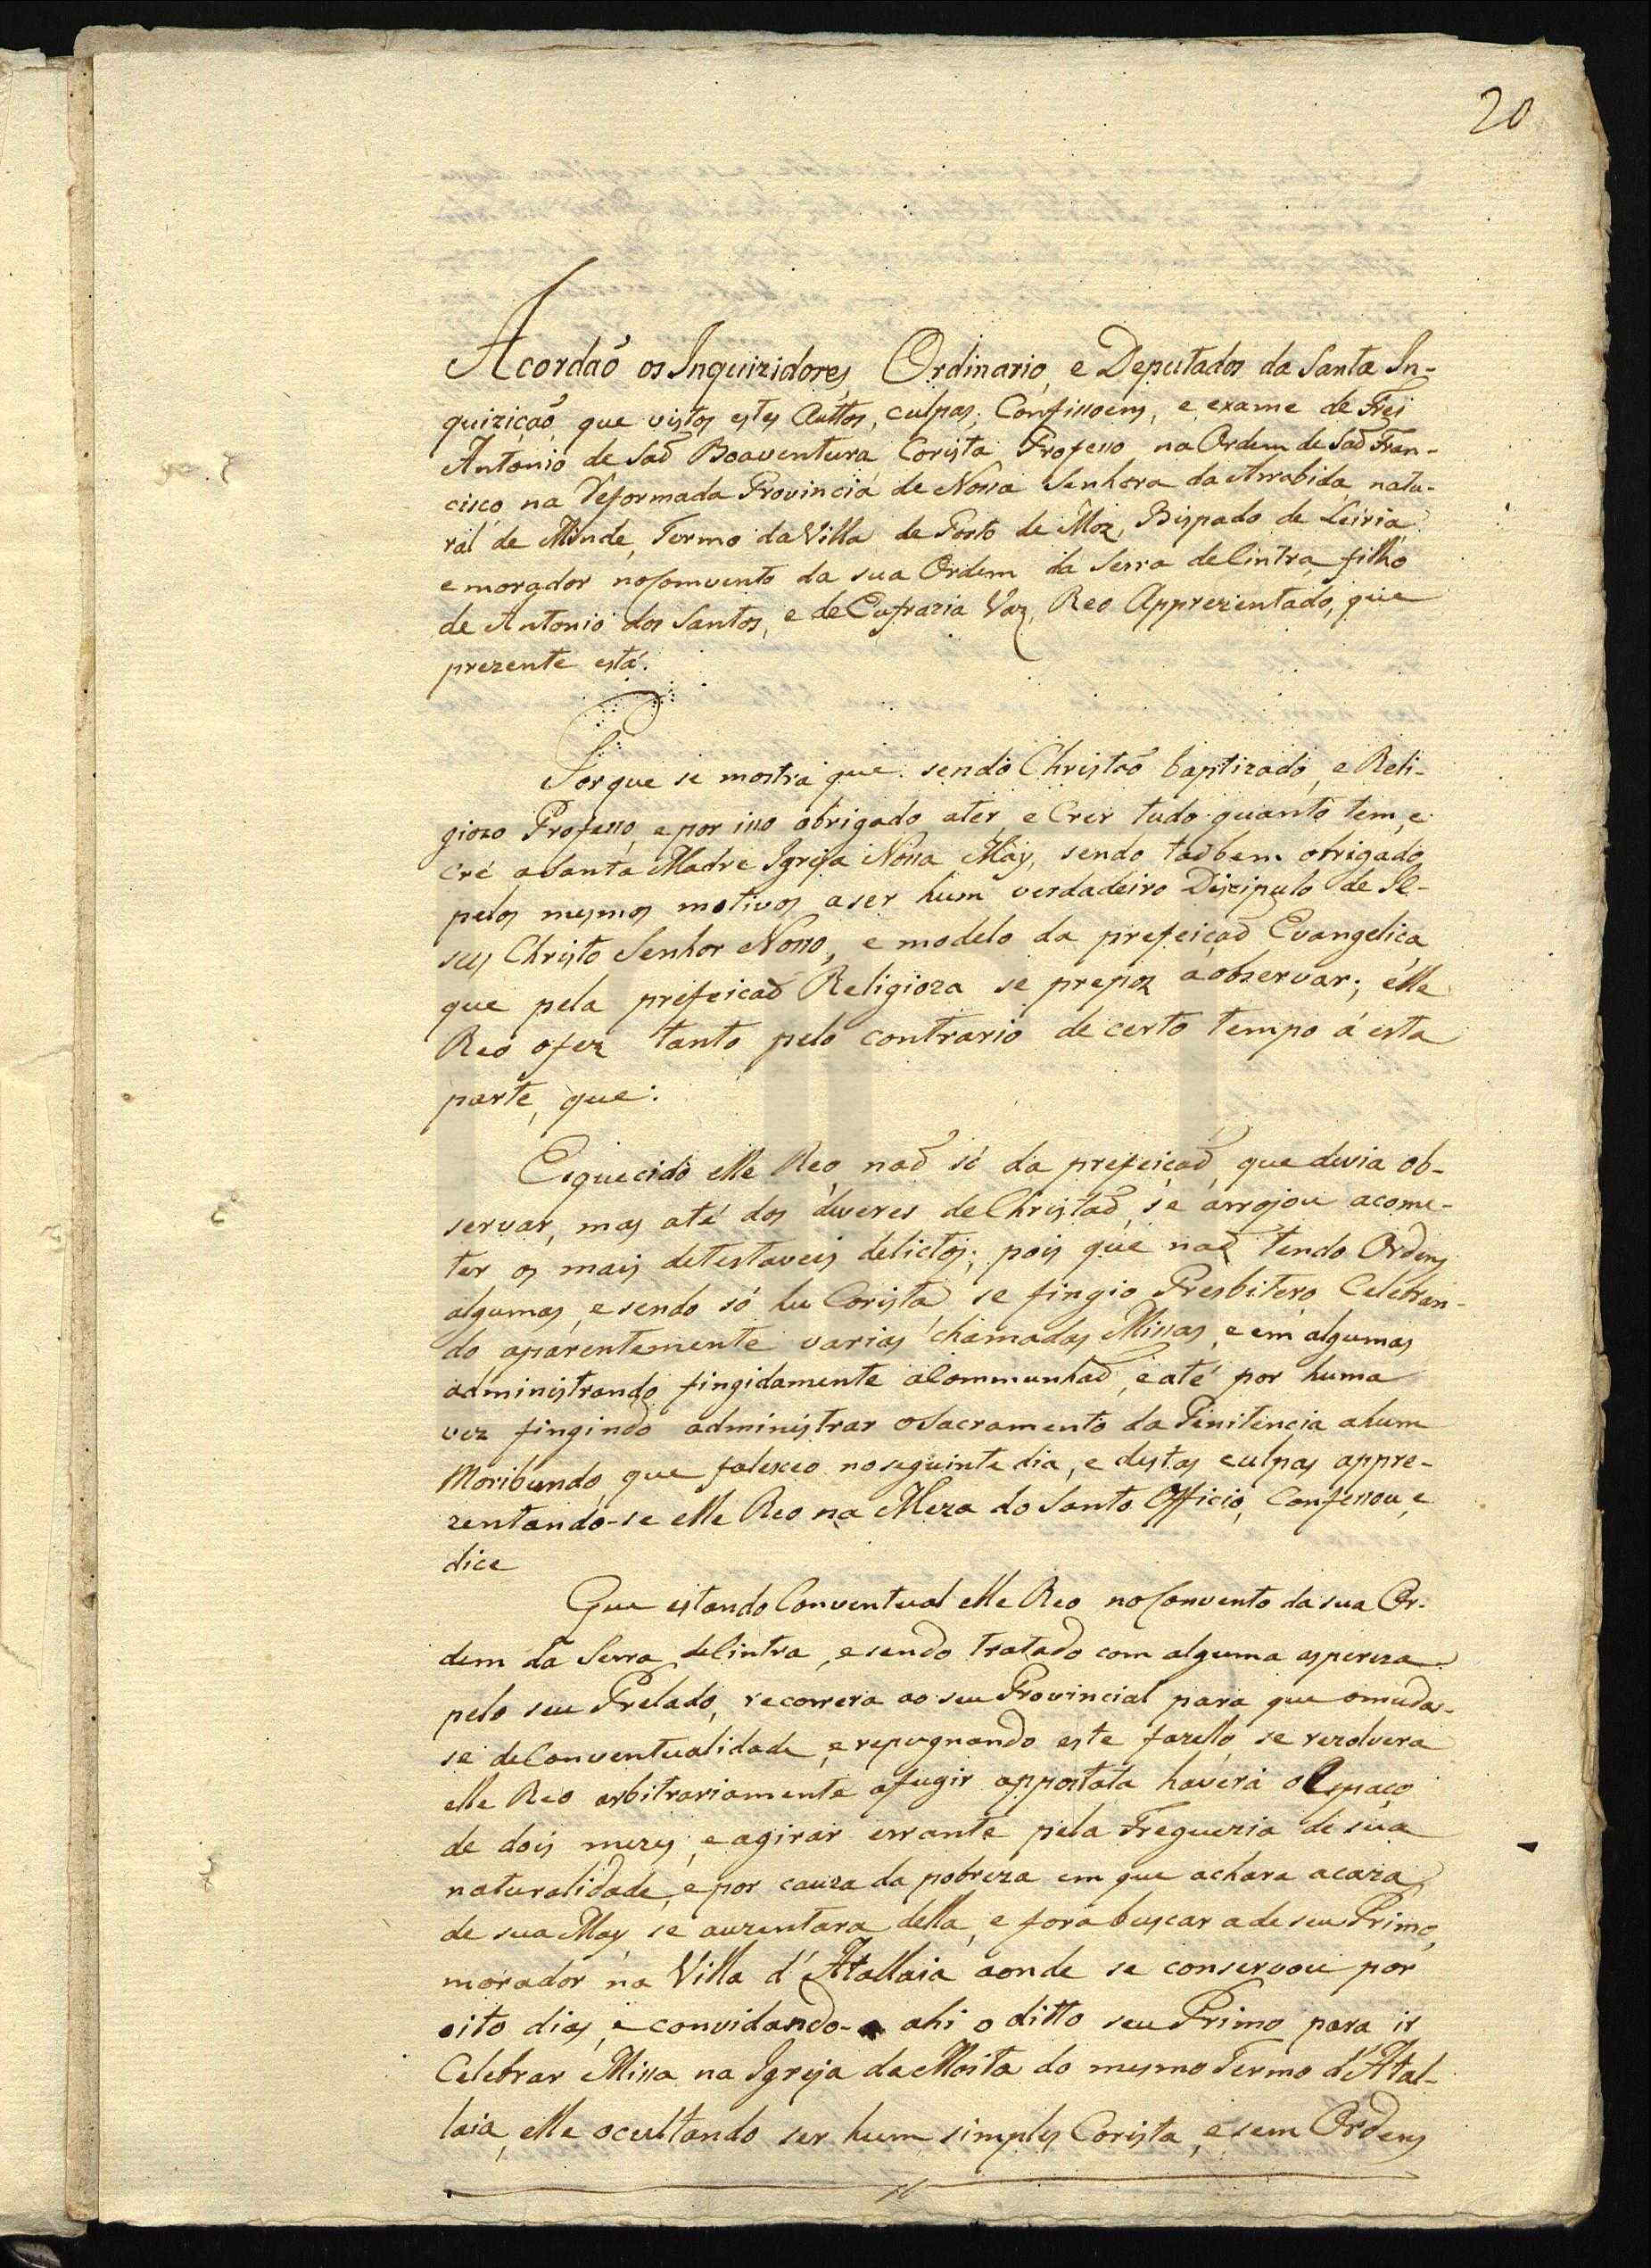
20
Acordaõ os Inquizidores, Ordinario, e Deputados da Santa In
quiziçaõ, que vistos estes Auttos, culpas; Confissoens, e exame de Frei
Antonio de Saõ Boaventura Corista Professo na Ordem de Saõ Fran
cisco na Reformada Provincia de Nossa Senhora da Arrabida, natu
ral de Minde, Termo da Villa de Porto de Moz, Bispado de Leiria,
e morador no Comvento da sua Ordem da Serra de Cintra, filho
de Antonio dos Santos, e de Eufrazia Vaz, Reo Apprezentado, que
prezente está.
Porque se mostra que sendo Christaõ baptizado, e Reli
giozo Professo, e por isso obrigado a ter, e Crer tudo quanto tem, e
cré a Santa Madre Igreja Nossa May, sendo taõbem obrigado
pelos mesmos motivos a ser hum verdadeiro Discipulo de Ie
sus Christo Senhor Nosso, e modelo da prefeiçaõ Evangelica,
que pela prefeiçaõ Religioza se prepoz a observar; elle
Reo o fez tanto pelo contrario de certo tempo á esta
parte, que:
Esquecido elle Reo, naõ só da prefeiçaõ, que devia ob
servar, mas até dos deveres de Christaõ, se arrojou a come
ter os mais detestaveis delictos; pois que naõ tendo Ordens
algumas, e sendo só hu Corista, se fingio Presbitero Celebran
do aparentemente varias chamadas Missas, e em algumas
administrando fingidamente a Communhão, e até por huma
vez fingindo administrar o Sacramento da Penitencia a hum
Moribundo, que falesceo no seguinte dia, e destas culpas appre
zentando-se elle Reo na Meza do Santo Officio, Confessou, e
dice
Que estando Conventual elle Reo no Convento da sua Or
dem da Serra de Cintra, e sendo tratado com alguma aspereza
pelo seu Prelado, recorrera ao seu Provincial para que o muda
se de Conventualidade, e repugnando este fazello se rezolvera
elle Reo arbitrariamente a fugir appostata haverá o Espaço
de dois mezes; e a girar errante pela Freguezia de sua
naturalidade, e por cauza da pobreza em que achara a caza
de sua May se auzentara della, e fora buscar a de seu Primo,
morador na Villa d'Atallaia aonde se conservou por
oito dias, e convidando-o ahi o ditto seu Primo para ir
Celebrar Missa na Igreja da Moita do mesmo Termo d'Atal
laia, elle ocultando ser hum simples Corista, e sem Ordens
